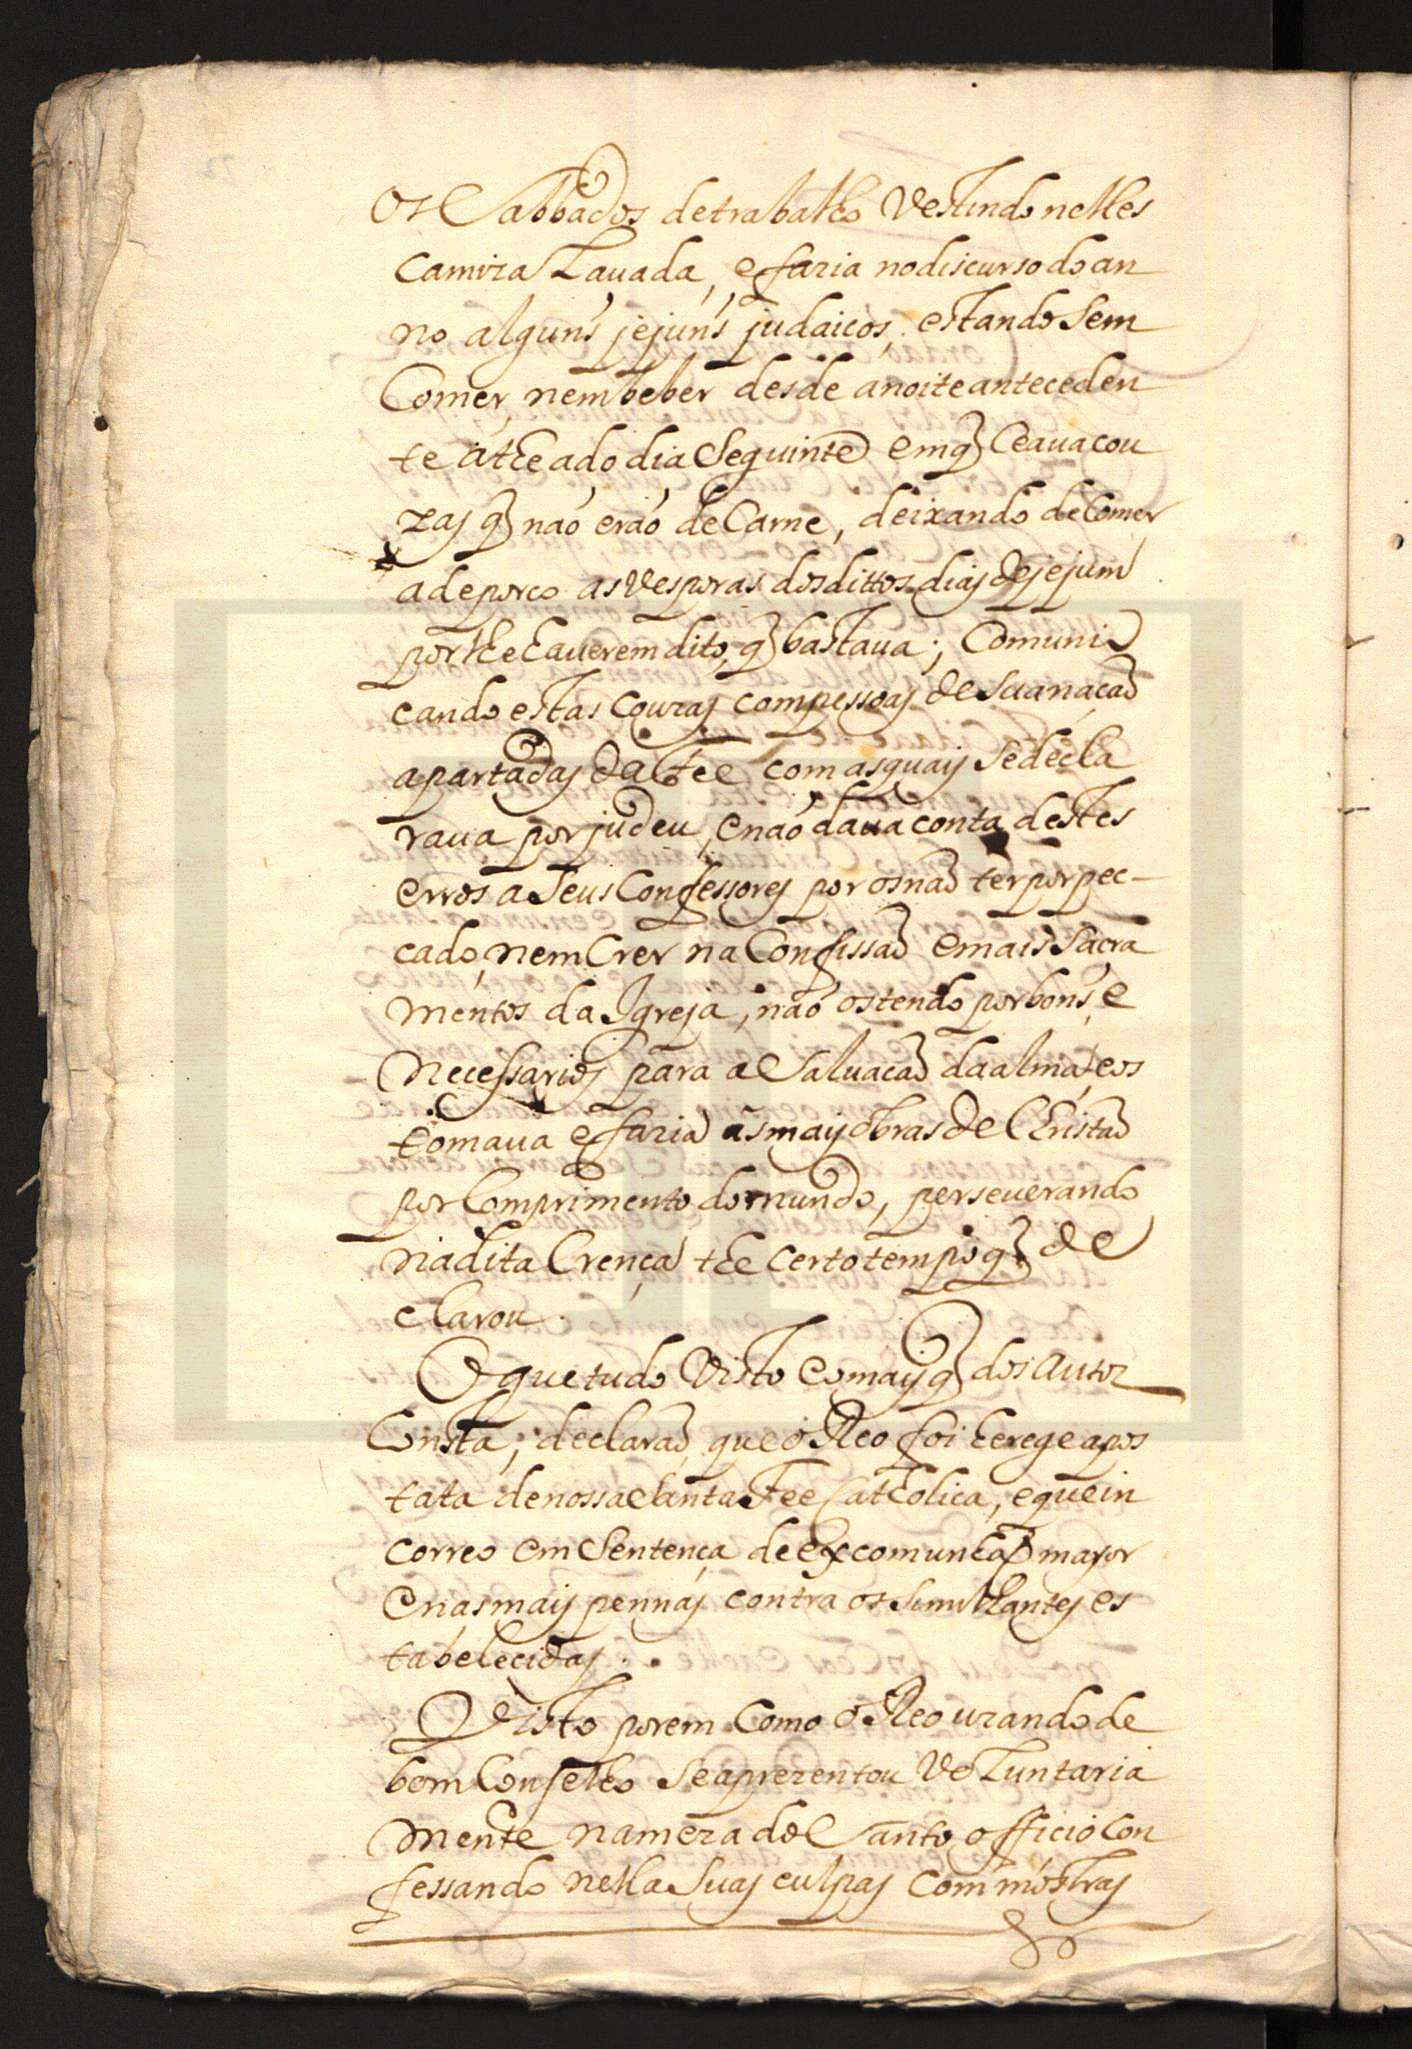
Os Sabbados de trabalho vestindo nelles
camiza Lauada, e fazia no discurso do an
no alguñs jejuñs judaicos, estando sem
Comer, nem beber desde a noite anteceden
te athe a do dia Seguinte em q̄ Ceaua cou
zas q̄ naõ eraõ de Carne, deixando de Comer
a de porco as vesporas dos dittos dias de jejum
por lhe hauerem dito, q̄ bastaua; Comuni
cando estas couzas com pessoas de sua naçaõ
apartadas da Fee com as quais se decla
raua por judeu, e naõ daua conta destes
erros a Seus Confessores por os naõ ter por pec
cado, nem Crer na Confissaõ e mais sacra
mentos da Igreja, naõ os tendo por boñs, e
Necessarios para a Saluacaõ da alma, e os
tomaua e fazia as mais obras de Christaõ
por Comprimento do mundo, perseuerando
na dita Crença the certo tempo q̄ de
clarou.
O que tudo Visto e o mais q̄ dos autoz
Consta, declaraõ, que o Reo foi herege apos
tata de nossa Santa Fee Catholica, e que in
correo em Sentença de excomunhaõ mayor
e nas mais pennas contra os similhantes es
tabelecidas.
Visto porem Como o Reo uzando de
bom Conselho se aprezentou Voluntaria
mente na meza do Santo offiçio con
fessando nella suas culpas com mostras
